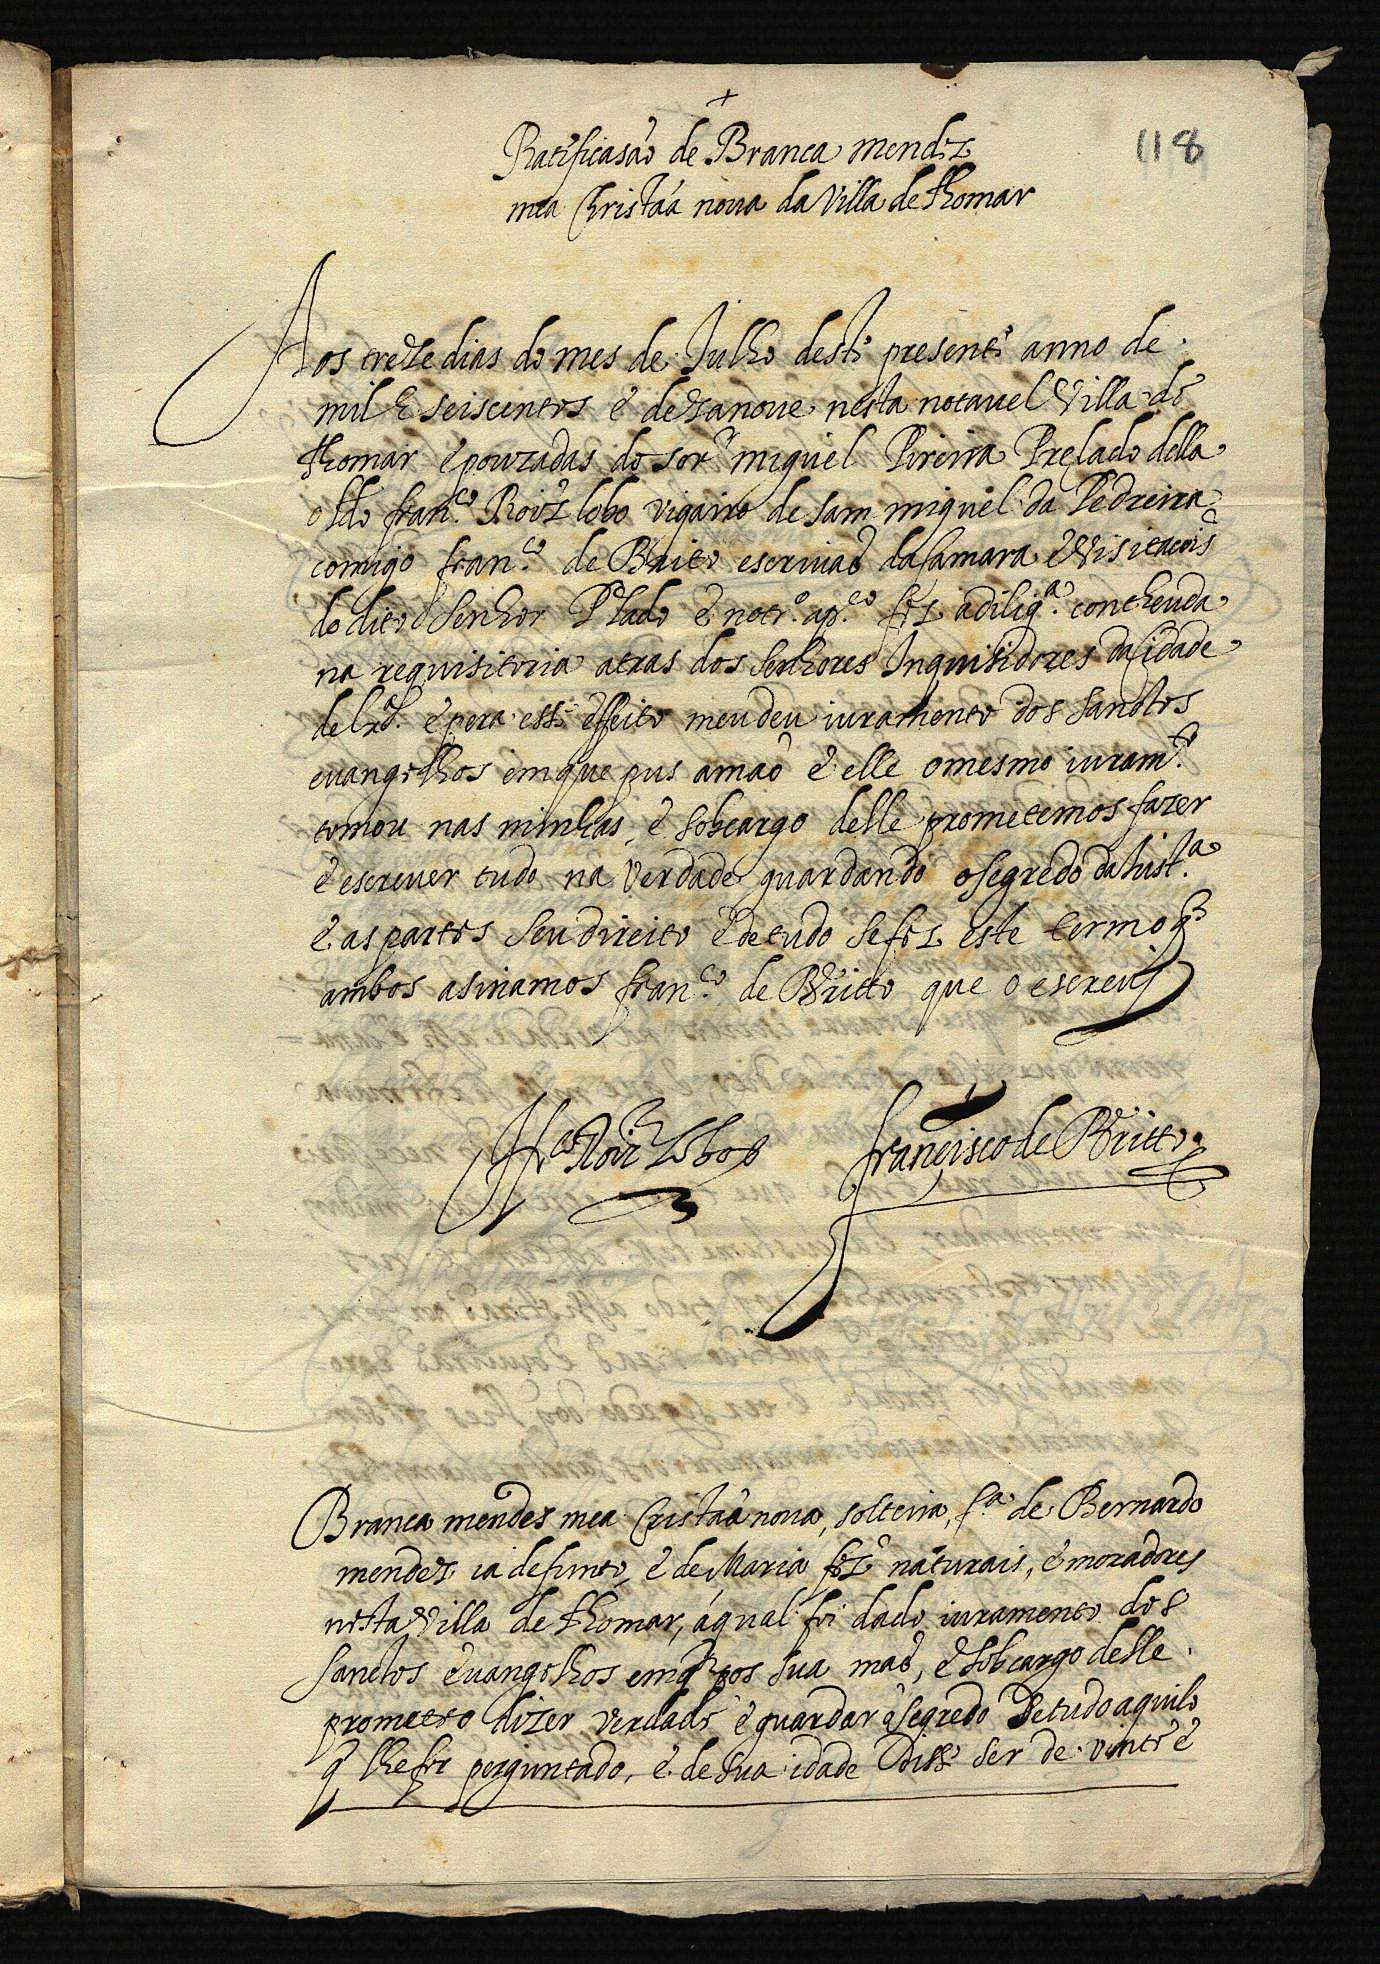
Ratificasão de Branca mendez
mea Christaā noua da Villa de thomar
Aos treze dias do mes de Julho deste presente anno de
mil E seiscentos e desanoue nesta notauel Villa de
thomar e pouzadas do sor̄ miguel Pireira Prelado della
o Ldo fran.co Roiz lobo vigairo de sam miguel da Pedreira
comigo fran.co de Brito escriuaõ da Camara E Visitaçois
do dito Senhor P̄lado e notr.o ap.co fes a dilig.ca contheuda
na requisitoria atras dos Senhores Inquisidores da Cidade
de lx.a e pera esse effeito meu deu iuramento dos sanctos
euangelhos em que pus a maõ e elle o mesmo iuram.to
tomou nas minhas, e sob cargo delle prometemos fazer
e escreuer tudo na verdade guardando o segredo da Just.a
e as partes seu direito e de tudo se fez este termo q̄
ambos asinamos fran.co de Britto que o escreuj
Francisco de Britto
frco Roiz̄ lobo
Branca mendes mea Cristaā noua, solteira f.a de Bernardo
mendez ia defunto, e de Maria fez̄ naturais, e moradores
nesta villa de thomar, a qual foi dado iuramento dos
Sanctos euangelhos em q̄ pos sua maõ, e sob cargo delle
prometeo dizer verdade e guardar o segredo de tudo aquilo
q̄ lhe foi perguntado, e de sua idade disse ser de vinte e
